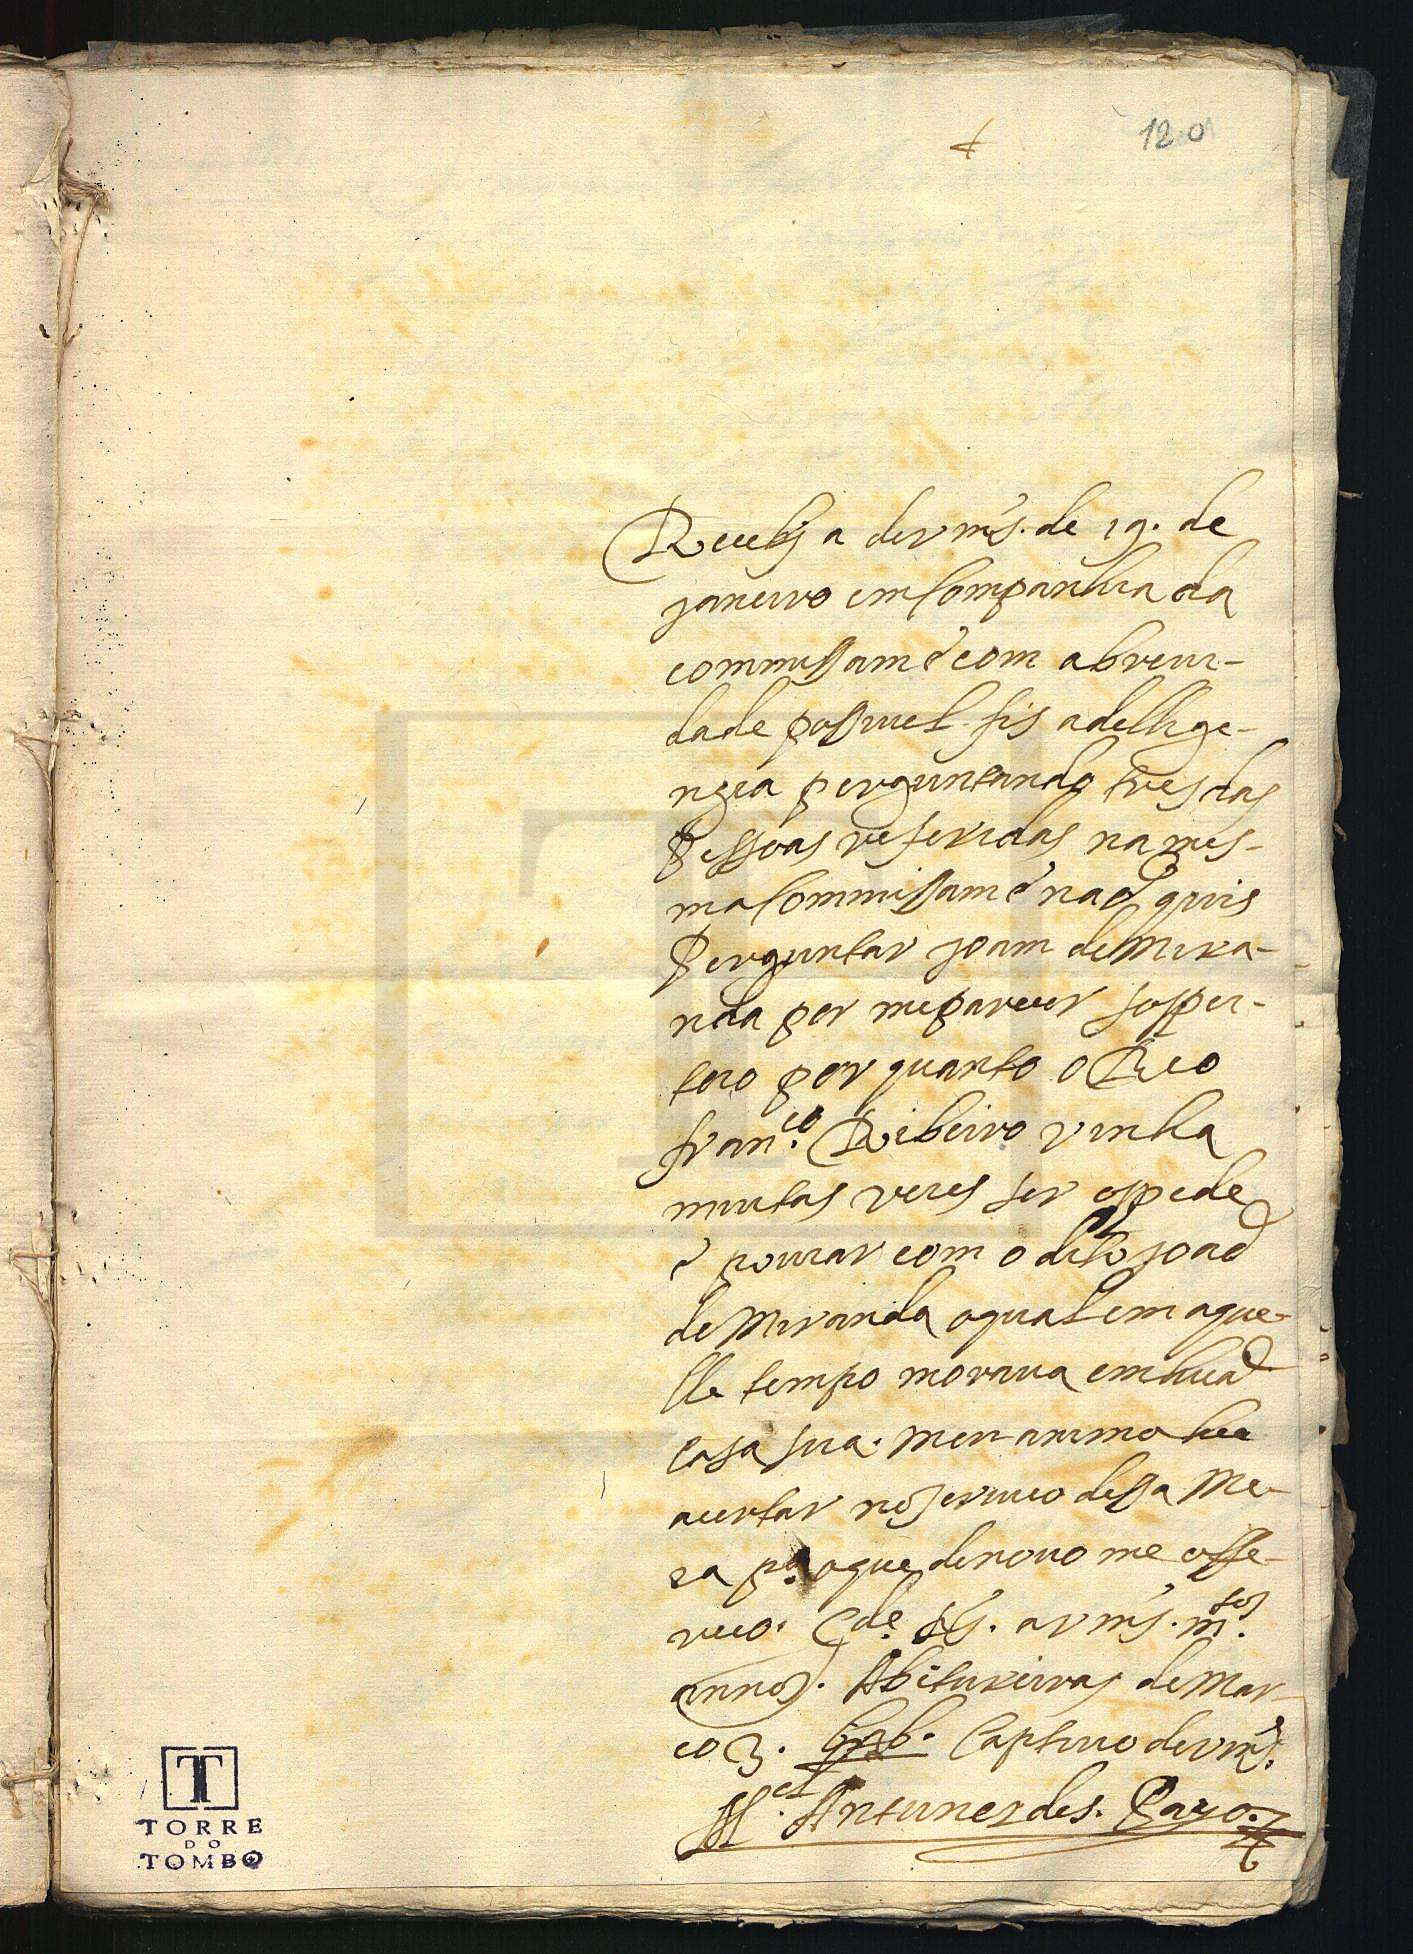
Recebj a dez ms̄. de 19. de
janeiro em Companhia da
commissam & com a breui
dade possiuel fis a dellige
nsea pergutando tres das
Pessoas referidas na mes
ma Commissam & naõ quis
Perguntar joam de mira
nda por me parecer sospei
tozo porquanto o Reo
fran.co Ribeiro vinha
muitas vezes ser ospede
& pouzar com o dito joaõ
de miranda o qual em aque
lle tempo moraua em huā
casa sua. meu animo hee
acertar no seruico dessa me
za p.a o que de nouo me offe
reco. Gde. Ds̄. a v ms̄. mtos.
annos. Abitureiras de mar
co 3. 646. Captiuo de v ms̄.
